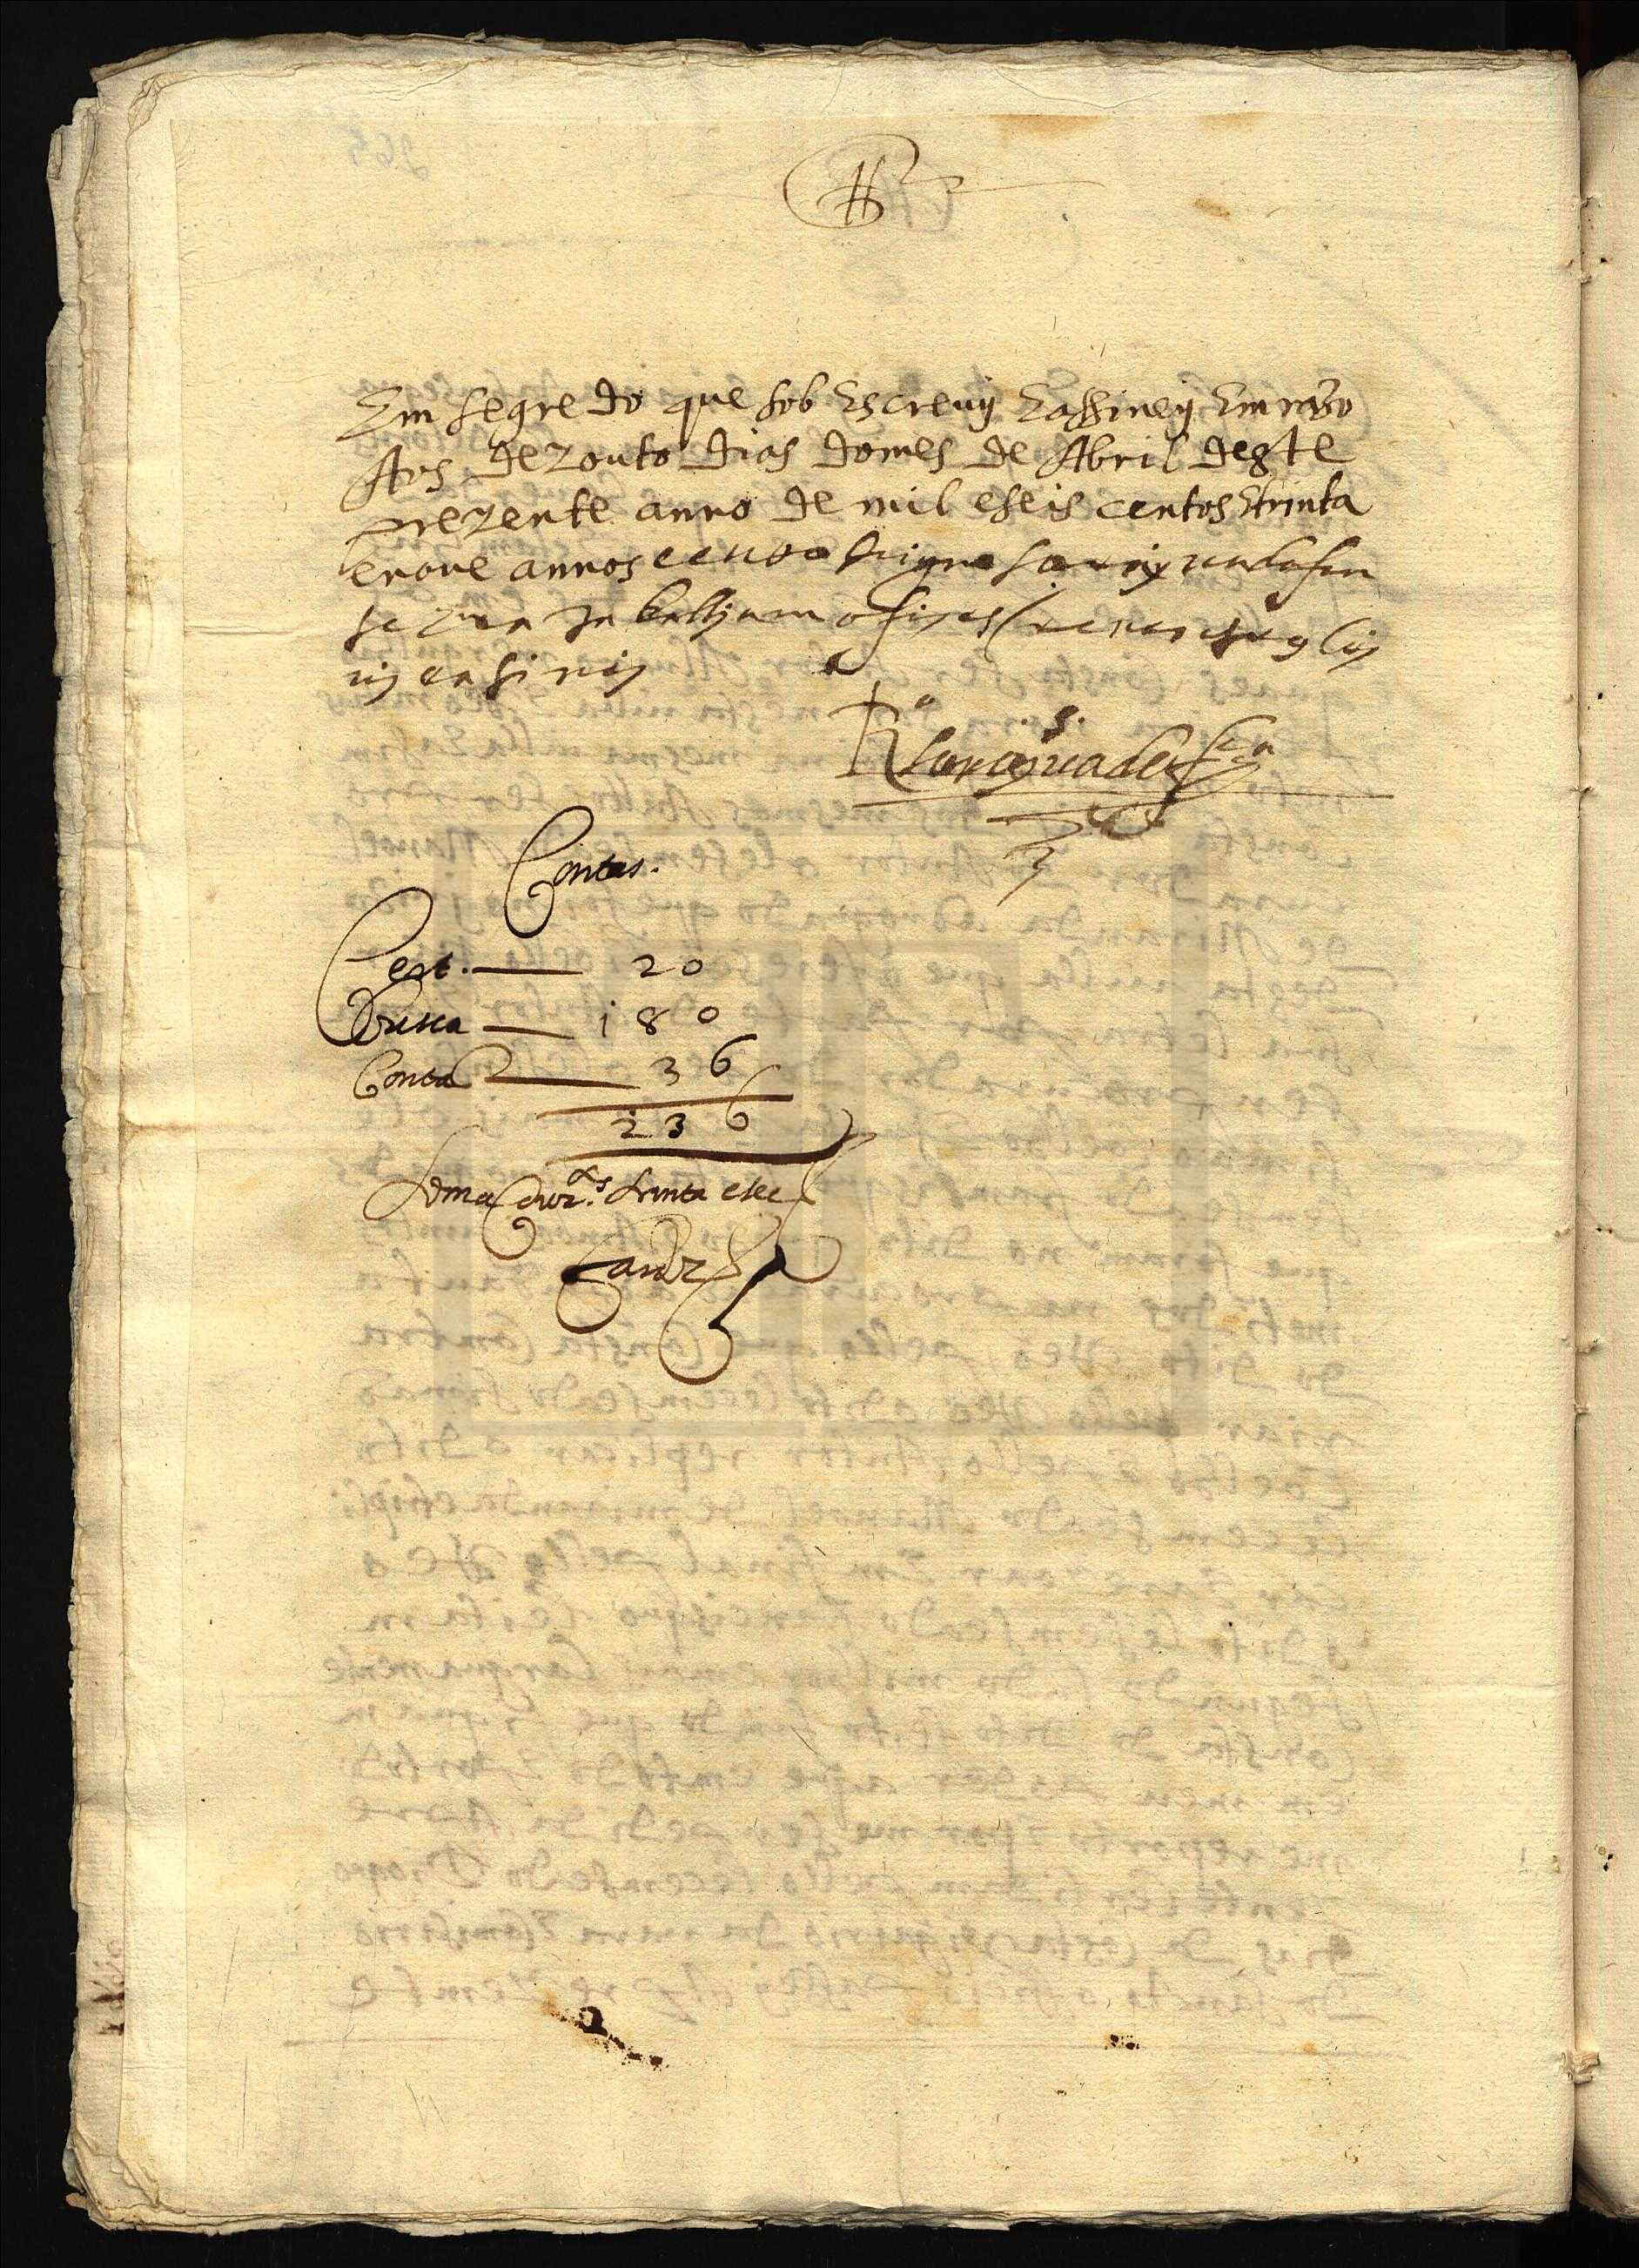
Em segredo que sobEscreuy E assiney Em razo
Aos dezouto dias do mes de Abril deste
prezente anno de mil e seiscentos E trinta
e noue annos e eu Rodriguo sarayua da fon
sequa taballjam o fis esCreuer e suesCrj
uj e asinej
Contas.
Cert.
20
busca
i80
Conta
36
236
Soma duz.tos trinta e seis
